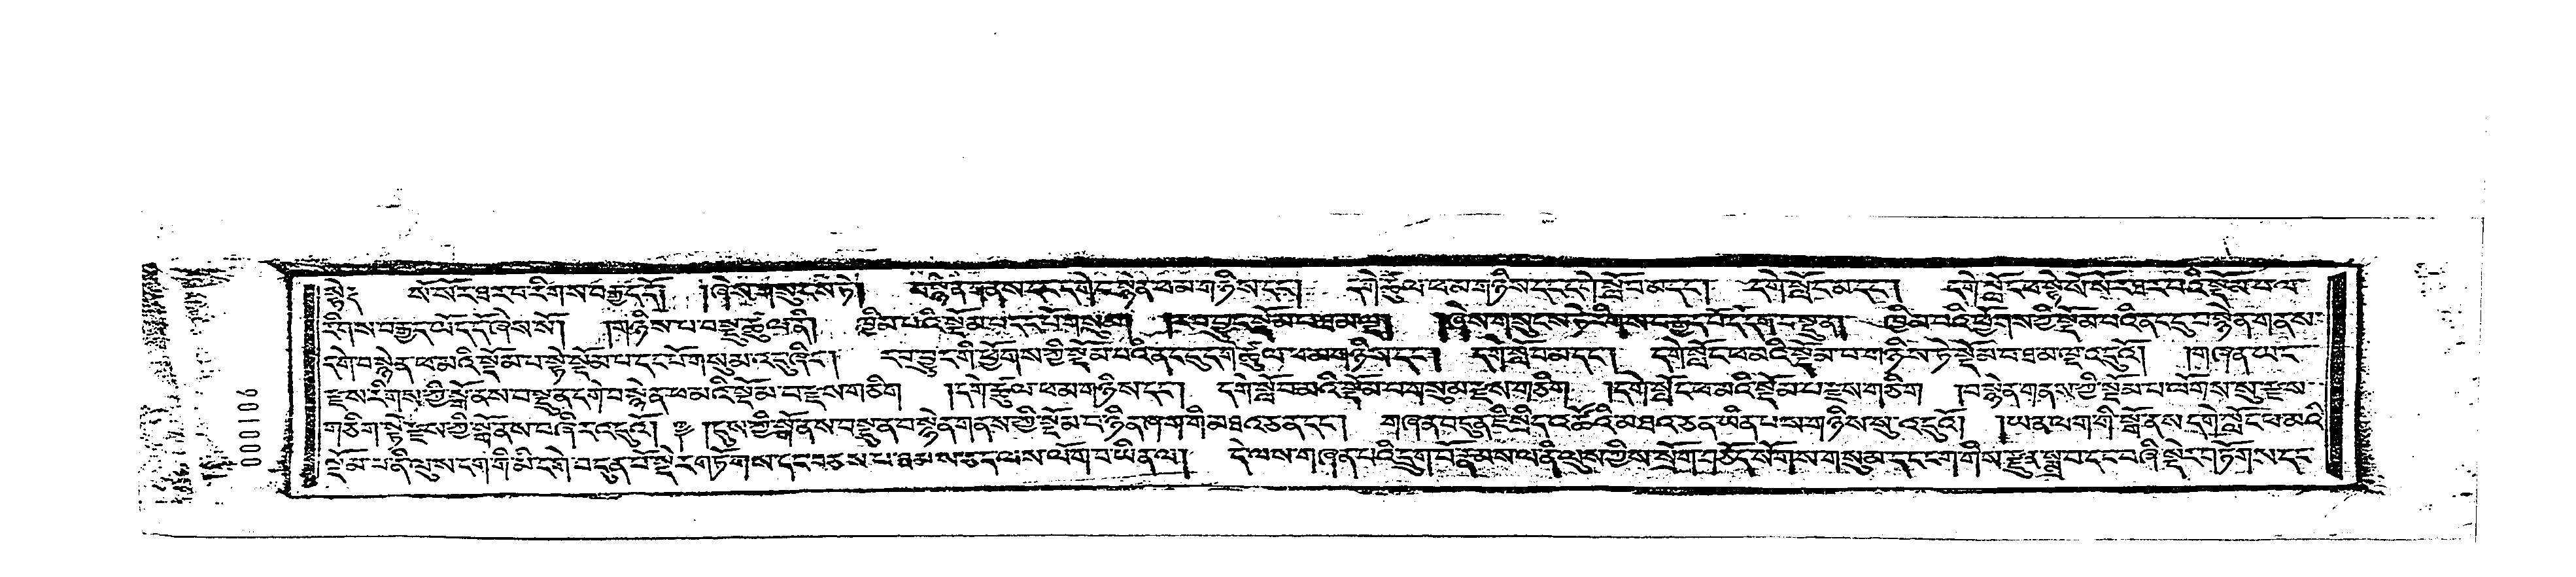སྟེ༑ སོ་སོར་ཐར་པ་རིགས་བརྒྱད་དོ། །ཞེས་གསུངས་ཏེ། བསྙེན་གནས་དང་དགེ་བསྙེན་ཕ་མ་གཉིས་དང་། དགེ་ཚུལ་ཕ་མ་གཉིས་དང་དགེ་སློབ་མ་དང་། དགེ་སློང་མ་དང་། དགེ་སློང་ཕ་སྟེ་སོ་སོར་ཐར་པའི་སྡོམ་པ་ལ་
རིགས་བརྒྱད་ཡོད་དོ་ཞེས་སོ། །གཉིས་པ་བསྡུ་ཚུལ་ནི། ཁྱིམ་པའི་སྡོམ་པ་དང་པོ་གསུམ། །རབ་བྱུང་སྡོམ་པ་ཐ་མ་ལྔ། །ཞེས་གསུངས་ཏེ་རིགས་བརྒྱད་པོ་དེ་དག་བསྡུ་ན། ཁྱིམ་པའི་ཕྱོགས་ཀྱི་སྡོམ་པའི་ནང་དུ་བསྙེན་གནས་
དགེ་བསྙེན་ཕ་མའི་སྡོམ་པ་སྟེ་སྡོམ་པ་དང་པོ་གསུམ་འདུ་ཞིང་། རབ་བྱུང་གི་ཕྱོགས་ཀྱི་སྡོམ་པའི་ནང་དུ་དགེ་ཚུལ་ཕ་མ་གཉིས་དང་། དགེ་སློབ་མ་དང་། དགེ་སློང་ཕ་མའི་སྡོམ་པ་གཉིས་ཏེ་སྡོམ་པ་ཐ་མ་ལྔ་འདུའོ། །གཞན་ཡང་
རྫས་རིགས་ཀྱི་སྒོ་ནས་བསྡུ་ན་དགེ་བསྙེན་ཕ་མའི་སྡོམ་པ་རྫས་གཅིག །དགེ་ཚུལ་ཕ་མ་གཉིས་དང་། དགེ་སློབ་མའི་སྡོམ་པ་གསུམ་རྫས་གཅིག །དགེ་སློང་ཕ་མའི་སྡོམ་པ་རྫས་གཅིག །བསྙེན་གནས་ཀྱི་སྡོམ་པ་ལོགས་སུ་རྫས་
གཅིག་སྟེ་རྫས་ཀྱི་སྒོ་ནས་བཞིར་འདུའོ། ༈ །དུས་ཀྱི་སྒོ་ནས་བསྡུ་ན་བསྙེན་གནས་ཀྱི་སྡོམ་པ་ཉིན་ཞག་གི་མཐའ་ཅན་དང་། གཞན་བདུན་ཇི་སྲིད་འཚོའི་མཐའ་ཅན་ཡིན་པས་གཉིས་སུ་འདུའོ། །ཡན་ལག་གི་སྒོ་ནས་དགེ་སློང་ཕ་མའི་
སྡོམ་པ་ནི་ལུས་ངག་གི་མི་དགེ་བདུན་པོ་སྡེར་གཏོགས་དང་བཅས་པ་ཐམས་ཅད་ལས་ལོག་པ་ཡིན་ལ། དེ་ལས་གཞན་པའི་དྲུག་པོ་རྣམས་ལ་ནི་ལུས་ཀྱིས་སྲོག་གཅོད་སོགས་གསུམ་དང་ངག་གིས་རྫུན་སྨྲ་བ་དང་བཞི་སྡེར་གཏོགས་དང་